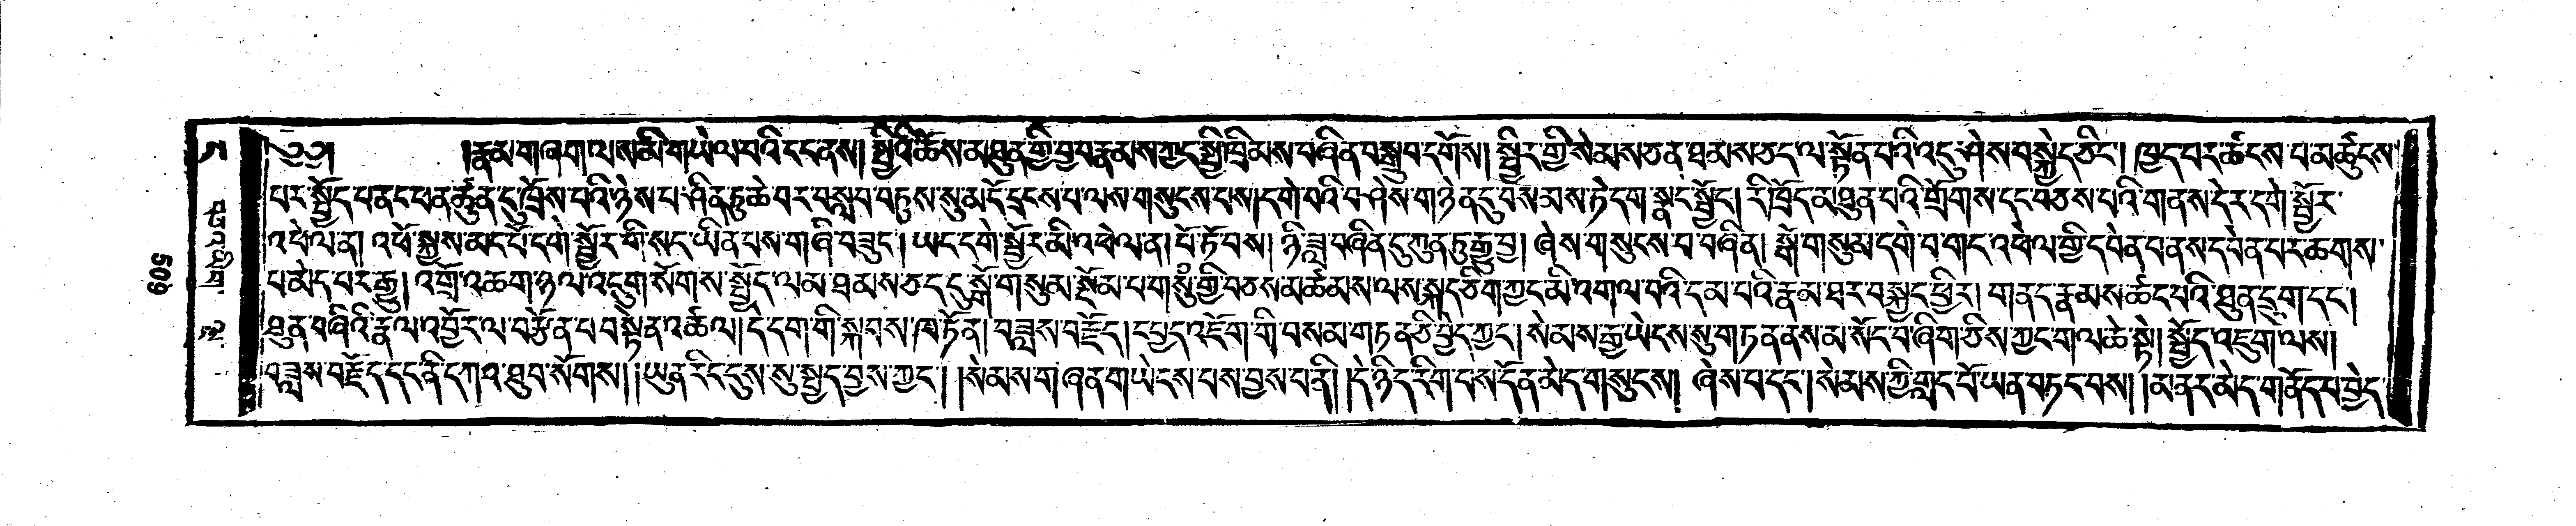༄༅། །རྣམ་གཞག་ལས་མི་གཡེལ་བའི་ངང་ནས། སྤྱིའི་ཆོས་མཐུན་གྱི་བྱ་བ་རྣམས་ཀྱང་སྤྱི་ཁྲིམས་བཞིན་བསྒྲུབ་དགོས། སྤྱིར་གྱི་སེམས་ཅན་ཐམས་ཅད་ལ་སྟོན་པའི་འདུ་ཤེས་བསྐྱེད་ཅིང་། ཁྱད་པར་ཚངས་པ་མཚུངས་
པར་སྤྱོད་པ་ནང་ཕན་ཚུན་དུ་ཁྲོས་པའི་ཉེས་པ་ཤིན་ཏུ་ཆེ་བར་བསླབ་བཏུས་སུ་མདོ་དྲངས་པ་ལས་གསུངས་པས། དགེ་བའི་བཤེས་གཉེན་དུ་བསམས་ཏེ་དག་སྣང་སྦྱོང་། རི་ཁྲོད་མཐུན་པའི་གྲོགས་དང་བཅས་པའི་གནས་དེར་དགེ་སྦྱོར་
འཕེལ་ན། འཕོ་སྐྱས་མང་པོ་དགེ་སྦྱོར་གྱི་སར་ཡིན་པས་གཞི་བཟུང་། ཡང་དགེ་སྦྱོར་མི་འཕེལ་ན། པོ་ཏོ་བས། ཉི་ཟླ་བཞིན་དུ་ཀུན་ཏུ་རྒྱུ་བྱ། ཞེས་གསུངས་པ་བཞིན། སྒོ་གསུམ་དགེ་བ་གང་འཕེལ་གྱི་དབེན་པ་ནས་དབེན་པར་ཆགས་
པ་མེད་པར་རྒྱུ། འགྲོ་འཆག་ཉལ་འདུག་སོགས་སྤྱོད་ལམ་ཐམས་ཅད་དུ་སྒོ་གསུམ་སྡོམ་པ་གསུམ་གྱི་བཅས་མཚམས་ལས་སྐད་ཅིག་ཀྱང་མི་འགལ་བའི་དམ་པའི་རྣམ་ཐར་བསྐྱེད་ཕྱིར། གནད་རྣམས་ཚང་བའི་ཐུན་དྲུག་དང་།
ཐུན་བཞིའི་རྣལ་འབྱོར་ལ་བརྩོན་པ་བསྟེན་འཚལ། དེ་དག་གི་སྐབས་ཁ་ཏོན། བཟླས་བརྗོད། དཔྱད་འཇོག་གི་བསམ་གཏན་ཅི་བྱེད་ཀྱང་། སེམས་རྒྱ་ཡོངས་སུ་གཏན་ནས་མ་སོང་བ་ཞིག་ཅིས་ཀྱང་གལ་ཆེ་སྟེ། སྤྱོད་འཇུག་ལས།
བཟླས་བརྗོད་དང་ནི་དཀའ་ཐུབ་སོགས། །ཡུན་རིང་དུས་སུ་སྤྱད་བྱས་ཀྱང་། །སེམས་གཞན་གཡེངས་པས་བྱས་པ་ནི། །དེ་ཉིད་རིག་པས་དོན་མེད་གསུངས། ཞེས་པ་དང་། སེམས་ཀྱི་གླང་པོ་ཡན་བཏང་བས། །མནར་མེད་གནོད་པ་བྱེད་